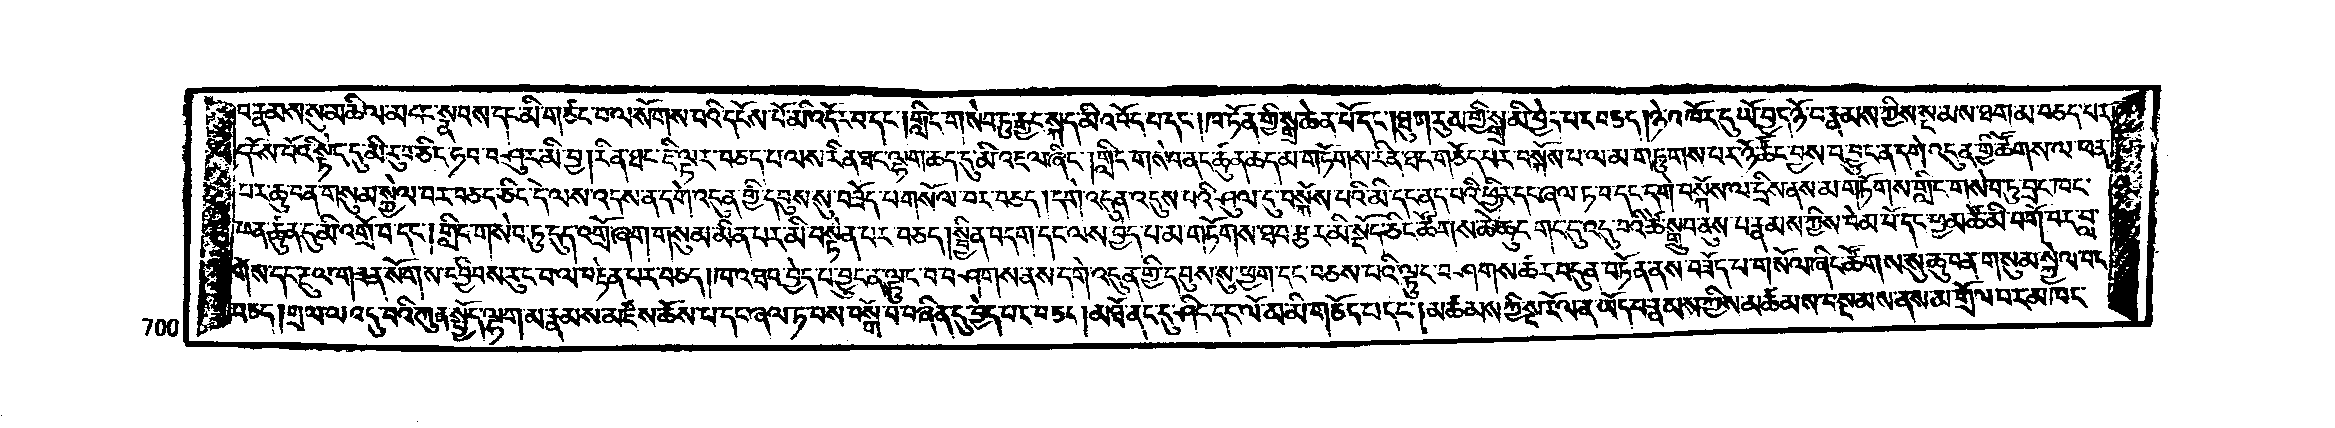བ་རྣམས་སུ་མཆིལ་མ་དང་སྣབས་དང་མི་གཙང་བ་ལ་སོགས་པའི་དངོས་པོ་མི་འདོར་བ་དང་། གླིང་གསེབ་ཏུ་རྒྱང་སྐད་མི་འབོད་པ་དང་། ཁ་ཏོན་གྱི་སྒྲ་ཆེན་པོ་དང་། ཐུག་རུམ་གྱི་སྒྲ་མི་བྱེད་པར་བཅད། ཉེ་འཁོར་དུ་ཡོ་བྱད་ཉོ་བ་རྣམས་ཀྱིས་སྔ་མས་ཐག་མ་བཅད་པར་
དངོས་པོའི་སྟེང་དུ་མི་རུབ་ཅིང་ཧབ་བཤུར་མི་བྱ། རིན་ཐང་ཇི་ལྟར་བཅད་པ་ལས་རིན་ཐང་ལྷག་ཆད་དུ་མི་འཇལ་ཞིང་། གླིང་གསེབ་ནང་ཚུན་ཆད་མ་གཏོགས་རིན་ཐང་གཅོད་པར་བསྐོས་པ་ལ་མ་གཏུགས་པར་ཉོ་ཚོང་བྱས་པ་བྱུང་ན་དགེ་འདུན་གྱི་ཚོགས་ལ་ཕན་
པར་ཆུ་བན་གསུམ་སྐྱེལ་བར་བཅད་ཅིང་དེ་ལས་འདས་ན་དགེ་འདུན་གྱི་དབུས་སུ་བཟོད་པ་གསོལ་བར་བཅད། དགེ་འདུན་འདུས་པའི་ཤུལ་དུ་བསྐོས་པའི་མི་དང་ནད་པའི་ཕྱིར་དང་ཞལ་ཏ་བ་དང་དགེ་བསྐོས་ལ་དྲིས་ནས་མ་གཏོགས་གླིང་གསེབ་ཏུ་བྲང་ཁང་
ཕན་ཚུན་དུ་མི་འགྲོ་བ་དང་། གླིང་གསེབ་ཏུ་དུད་འགྲོ་ཞག་གསུམ་མིན་པར་མི་བསྟེན་པར་བཅད། སྦྱིན་བདག་དང་ལས་བྱེད་པ་མ་གཏོགས་ཐབ་རྩར་མི་སྡོད་ཅིང་ཚོགས་ཆེ་ཆུང་གང་དུ་འདུ་བའི་ཚེ་སྒྲུབ་ནུས་པ་རྣམས་ཀྱིས་བེམ་པོ་དང་ཕྱམ་ཚེ་མི་བགོ་བར་བླ་
གོས་དང་རྡུལ་གཟན་སོགས་དབྱིབས་རུང་བ་ལ་བརྟེན་པར་བཅད། ཁ་འཐབ་བྱེད་པ་བྱུང་ན་ལྟུང་བ་བཤགས་ནས་དགེ་འདུན་གྱི་དབུས་སུ་ཕྱག་དང་བཅས་པའི་ལྟུང་བཤགས་ཚར་བདུན་བཏོན་ནས་བཟོད་པ་གསོལ་ཞིང་ཚོགས་སུ་ཆུ་བན་གསུམ་སྐྱེལ་བར་
བཅད། གྲལ་ལ་འདུ་བའི་ཀུན་སྤྱོད་ལྷག་མ་རྣམས་མཛས་ཆོས་པ་དང་ཞལ་ཏ་བས་བསྒོ་བ་བཞིན་དུ་བྱེད་པར་བཅད། མཐོ་ནང་དུ་ཤིང་དང་ལོ་མ་མི་གཅོད་པ་དང་། མཚམས་ཀྱི་སྔ་རོལ་ན་ཡོད་པ་རྣམས་ཀྱིས་མཚམས་བསྡམས་ནས་མ་གྲོལ་བར་མཁར་